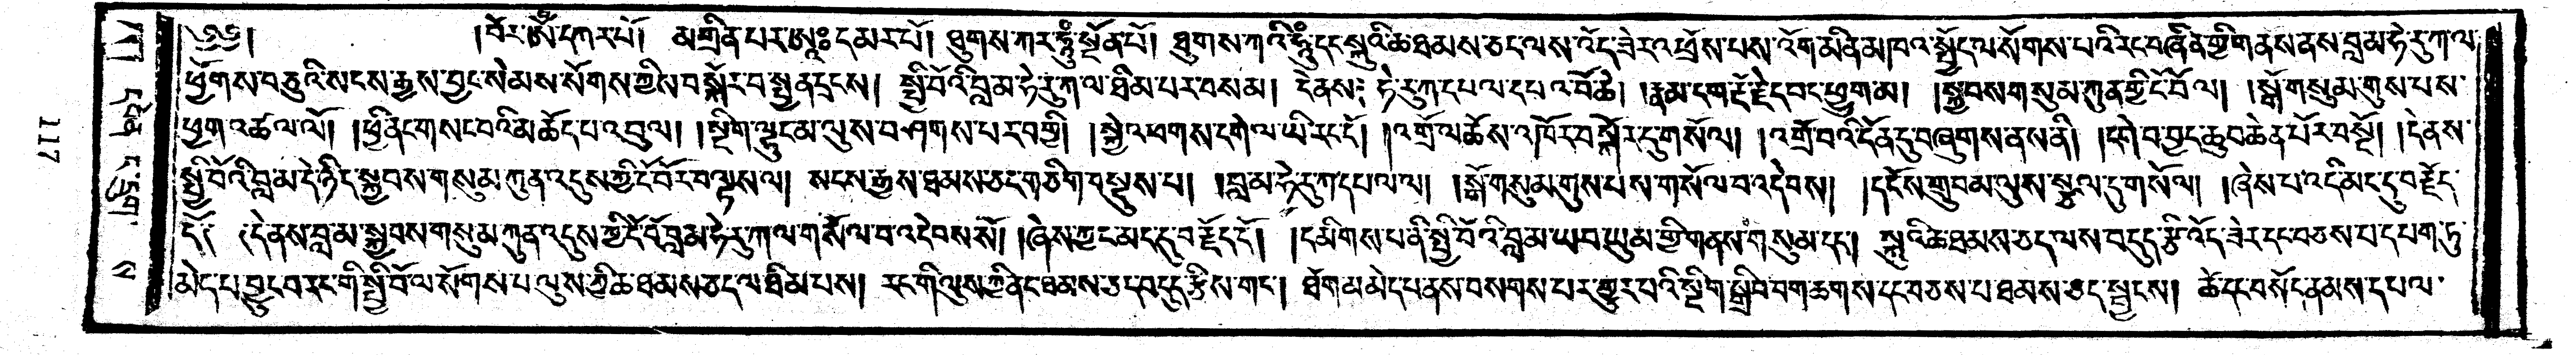༄༅། །བོར་ཨོཾ་དཀར་པོ། མགྲིན་པར་ཨཱཿ དམར་པོ། ཐུགས་ཀར་ཧཱུཾ་སྔོན་པོ། ཐུགས་ཀའི་ཧཱུཾ་དང་སྐུའི་ཆ་ཐམས་ཅད་ལས་འོད་ཟེར་འཕྲོས་པས་འོག་མིན་མཁའ་སྤྱོད་ལ་སོགས་པའི་རང་བཞིན་གྱི་གནས་ནས་བླ་མ་ཧེ་རུ་ཀ་ལ་
ཕྱོགས་བཅུའི་སངས་རྒྱས་བྱང་སེམས་སོགས་ཀྱིས་བསྐོར་བ་སྤྱན་དྲངས། སྤྱི་བོའི་བླ་མ་ཧེ་རུ་ཀ་ལ་ཐིམ་པར་བསམ། དེ་ནས༑ ཧེ་རུ་ཀ་དཔལ་དཔའ་བོ་ཆེ། །རྣམ་དག་རྡོ་རྗེ་དབང་ཕྱུག་མ། །སྐྱབས་གསུམ་ཀུན་གྱི་ངོ་བོ་ལ། །སྒོ་གསུམ་གུས་པས་
ཕྱག་འཚལ་ལོ། །ཕྱི་ནང་གསང་བའི་མཆོད་པ་འབུལ། །སྡིག་ལྟུང་མ་ལུས་བཤགས་པར་བགྱི། །སྐྱེ་འཕགས་དགེ་ལ་ཡི་རང་ངོ། །འགྲོ་ལ་ཆོས་འཁོར་བསྐོར་དུ་གསོལ། །འགྲོ་བའི་དོན་དུ་བཞུགས་ནས་ནི། །དགེ་བ་བྱང་ཆུབ་ཆེན་པོར་བསྔོ། །དེ་ནས་
སྤྱི་བོའི་བླ་མ་དེ་ཉིད་སྐྱབས་གསུམ་ཀུན་འདུས་ཀྱི་ངོ་བོར་བལྟས་ལ། སངས་རྒྱས་ཐམས་ཅད་གཅིག་བསྡུས་པ། །བླ་མ་ཧེ་རུ་ཀ་དཔལ་ལ། །སྒོ་གསུམ་གུས་པས་གསོལ་བ་འདེབས། །དངོས་གྲུབ་མ་ལུས་སྩལ་དུ་གསོལ། །ཞེས་པ་འདི་མང་དུ་བརྗོད་
ངོ༑ ༑དེ་ནས་བླ་མ་སྐྱབས་གསུམ་ཀུན་འདུས་ཀྱི་ངོ་བོ་བླ་མ་ཧེ་རུ་ཀ་ལ་གསོལ་བ་འདེབས་སོ། །ཞེས་ཀྱང་མང་དུ་བརྗོད་དོ། །དམིགས་པ་ནི་སྤྱི་བོ་བླ་མ་ཡབ་ཡུམ་གྱི་གནས་གསུམ་དང་། སྐུའི་ཆ་ཐམས་ཅད་ལས་བདུད་རྩི་འོད་ཟེར་དང་བཅས་པ་དཔག་ཏུ་
མེད་པ་བྱུང་བ་རང་གི་སྤྱི་བོ་ལ་སོགས་པ་ལུས་ཀྱི་ཆ་ཐམས་ཅད་ལ་ཐིམ་པས། རང་གི་ལུས་ཀྱི་ནང་ཐམས་ཅད་བདུད་རྩིས་གང་། ཐོག་མ་མེད་པ་ནས་བསགས་པར་གྱུར་པའི་སྡིག་སྒྲིབ་བག་ཆགས་དང་བཅས་པ་ཐམས་ཅད་སྦྱངས། ཚེ་དང་བསོད་ནམས་དཔལ་